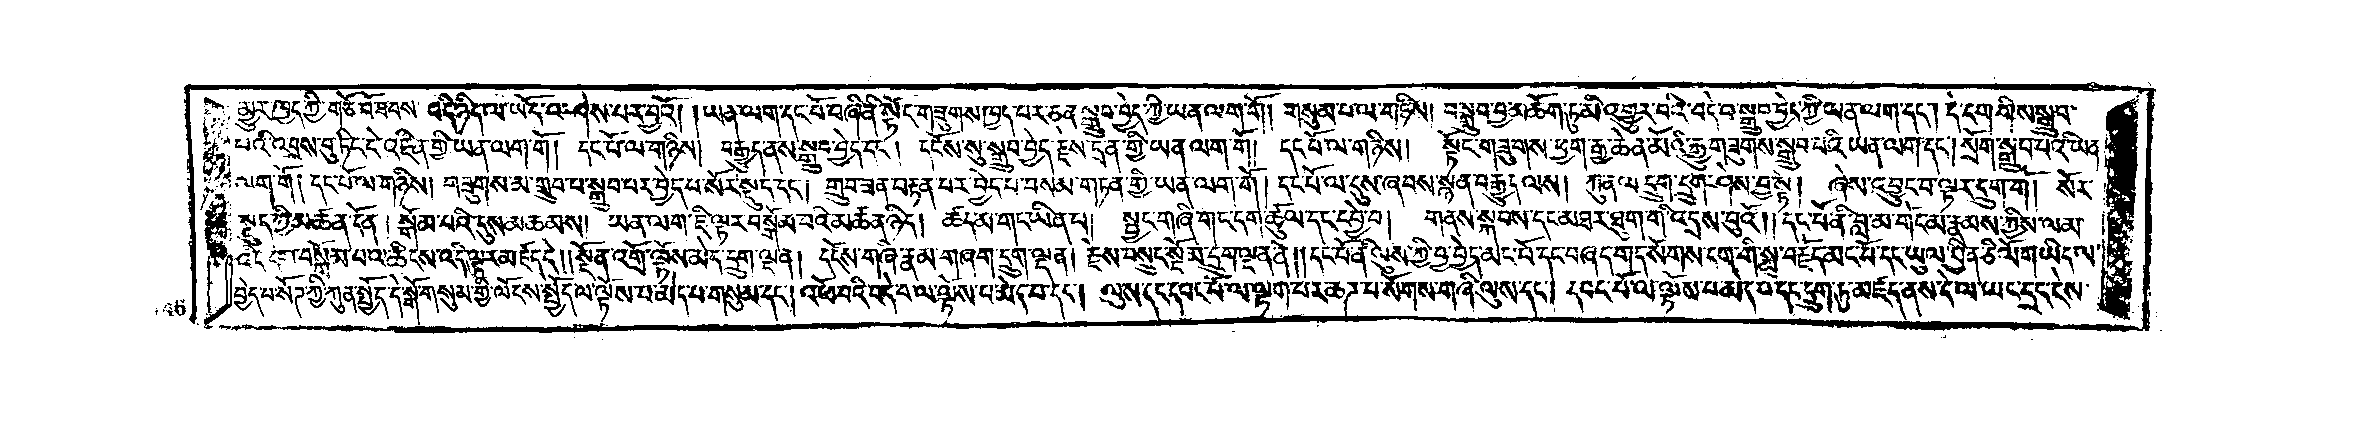མྱུར་ཁྱད་ཀྱི་གཙོ་བོ་ཐབས་འདི་ཉིད་ལ་ཡོད་པ་ཤེས་པར་བྱའོ། །ཡན་ལག་དང་པོ་བཞི་ནི་སྟོང་གཟུགས་ཁྱད་པར་ཅན་སྒྲུབ་བྱེད་ཀྱི་ཡན་ལག་གོ །གསུམ་པ་ལ་གཉིས། བསྒྲུབ་བྱ་མཆོག་ཏུ་མི་འགྱུར་བའི་བདེ་བ་སྒྲུབ་བྱེད་ཀྱི་ཡན་ལག་དང་། དེ་དག་གིས་སྒྲུབ་
པའི་འབྲས་བུ་ཏིང་ངེ་འཛིན་གྱི་ཡན་ལག་གོ །དང་པོ་ལ་གཉིས། བརྒྱུད་ནས་སྒྲུབ་བྱེད་དང་། དངོས་སུ་སྒྲུབ་བྱེད་རྗེས་དྲན་གྱི་ཡན་ལག་གོ །དང་པོ་ལ་གཉིས། སྟོང་གཟུགས་ཕྱག་རྒྱ་ཆེན་མོའི་རྒྱུ་གཟུགས་སྒྲུབ་པའི་ཡན་ལག་དང་། སྲོག་སྒྲུབ་པའི་ཡན་
ལག་གོ །དང་པོ་ལ་གཉིས། གཟུགས་མ་གྲུབ་པ་སྒྲུབ་པར་བྱེད་པ་སོར་སྡུད་དང་། གྲུབ་ཟན་བརྟན་པར་བྱེད་པ་བསམ་གཏན་གྱི་ཡན་ལག་གོ །དང་པོ་ལ་དུས་ཞབས་སྙན་བརྒྱུད་ལས། ཀུན་ལ་དྲུག་དྲུག་ཤེས་བྱ་སྟེ། ཞེས་འབྱུང་བ་ལྟར་དྲུག་གོ །སོར་
སྡུད་ཀྱི་མཚན་དོན། སྒོམ་པའི་དུས་མཚམས། ཡན་ལག་ཇི་ལྟར་བསྒོམ་པའི་མཚན་ཉིད། ཚད་མ་གང་ཡིན་པ། སྦྱང་གཞི་གང་དག་ཚུལ་དང་དབྱེ་བ། གནས་སྐབས་དང་མཐར་ཐུག་གི་འདྲས་བུའོ། །དང་པོ་ནི་བླ་མ་གོང་མ་རྣམས་ཀྱིས་ལམ་
འདི་དག་བསྒོམ་པ་ལ་ཆིངས་འདི་ལྟར་མཛད་དེ། །སྔོན་འགྲོ་ལྟོས་མེད་དྲུག་ལྡན། དངོས་གཞི་རྣམ་གཞག་དྲུག་ལྡན། རྗེས་བསྲུང་སྡོམ་དྲུག་ལྡན་ནི། །དང་པོ་ནི་ལུས་ཀྱི་བྱ་བྱེད་མང་པོ་དང་བཞད་གད་སོགས་ངག་གི་སྨྲ་བརྗོད་མང་པོ་དང་ཡུལ་བྱིན་ཅི་ལོག་ཡིད་ལ་
བྱེད་པ་སོགས་ཀྱི་ཀུན་སྤྱོད་དེ་སྒོ་གསུམ་གྱི་ལོངས་སྤྱོད་ལ་ལྟོས་པ་མེད་པ་གསུམ་དང་། འཕོ་བའི་བདེ་བ་ལ་ལྟོས་པ་མེད་པ་དང་། ལུས་དང་དབང་པོ་ལ་ལྟག་པར་ཆགས་པ་སོགས་གཞི་ལུས་དང་། དབང་པོ་ལ་ལྟོས་པ་མེད་པ་དང་དྲུག་ཏུ་མཛད་ནས་དེ་ལ་ཡང་དྲང་ངེས་